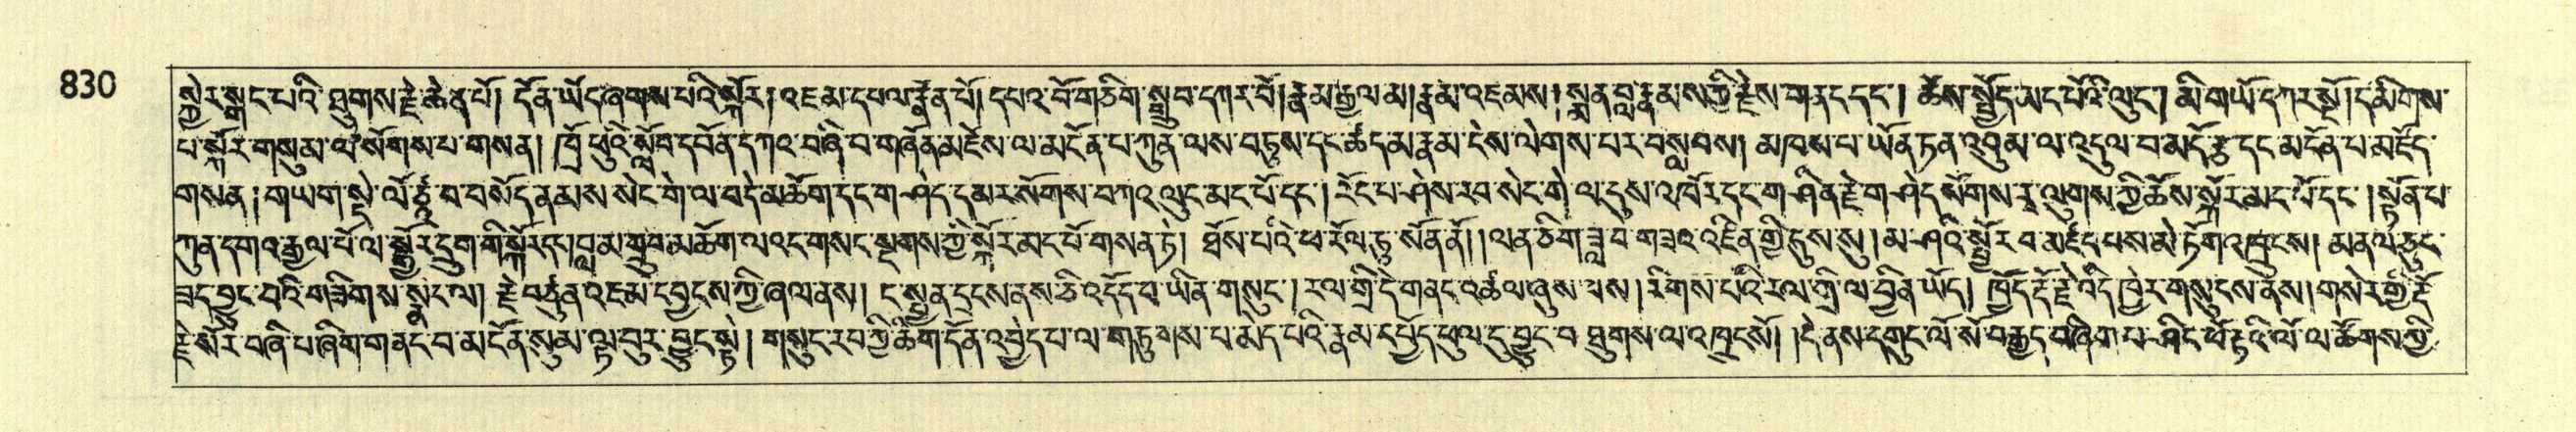སྐྱེར་སྒང་པའི་ཐུགས་རྗེ་ཆེན་པོ། དོན་ཡོད་ཞགས་པའི་སྐོར། འཇམ་དཔལ་རྣོན་པོ། དཔའ་བོ་གཅིག་སྒྲུབ་དཀར་བོ། རྣམ་རྒྱལ་མ། རྣམ་འཛམས། སྨན་བླ་རྣམས་ཀྱི་རྗེས་གནང་དང་། ཆོས་སྤྱོད་མང་པོའི་ལུང་། མི་གཡོ་དཀར་སྔོ། དམིགས་
པ་སྐོར་གསུམ་ལ་སོགས་པ་གསན། ཁྲོ་ཕུའི་སློབ་དཔོན་དཀའ་བཞི་བ་གཞོན་མཛེས་ལ་མངོན་པ་ཀུན་ལས་བཏུས་དང་ཚད་མ་རྣམ་ངེས་ལེགས་པར་བསླབས། མཁས་པ་ཡོན་ཏན་འབུམ་ལ་འདུལ་བ་མདོ་རྩ་དང་མངོན་པ་མཛོད་
གསན། གཡག་སྡེ་ལོ་ཙཱ་པ་བསོད་ནམས་སེང་གེ་ལ་བདེ་མཆོག་དང་གཤེད་དམར་སོགས་བཀའ་ལུང་མང་པོ་དང་། རོང་པ་ཤེས་རབ་སེང་གེ་ལ་དུས་འཁོར་དང་གཤིན་རྗེ་གཤེད་སོགས་རྭ་ལུགས་ཀྱི་ཆོས་སྐོར་མང་པོ་དང་། སྟོན་པ་
ཀུན་དགའ་རྒྱལ་པོ་ལ་སྒྱོར་དྲུག་གི་སྐོར་དང་། བླ་མ་གྲུབ་མཆོག་ལའང་གསང་སྔགས་ཀྱི་སྐོར་མང་པོ་གསན་ཏེ། ཐོས་པའི་ཕ་རོལ་ཏུ་སོན་ནོ། །ལན་ཅིག་ཟླ་བ་གཟའ་འཛིན་གྱི་དུས་སུ། མ་ཤའི་སྦྱོར་བ་མཛད་པས་མེ་ཏོག་འཁྲུངས། མནལ་ཅུང་
ཟད་བྱུང་བའི་གཟིགས་སྣང་ལ། རྗེ་བཙུན་འཇམ་དབྱངས་ཀྱི་ཞལ་ནས། ང་སྤྱན་དྲངས་ནས་ཅི་འདོད་པ་ཡིན་གསུང་། རལ་གྲི་དེ་གནང་འཚལ་ཞུས་ལས། རིགས་པའི་རལ་གྲི་ལ་བྱིན་ཡོད། ཁྱོད་རྡོ་རྗེ་འདི་ཁྱེར་གསུངས་ནས། གསེར་གྱི་རྡོ་
རྗེ་སོར་བཞི་པ་ཞིག་གནང་བ་མངོན་སུམ་ལྟ་བུར་བྱུང་སྟེ། གསུང་རབ་ཀྱི་ཚིག་དོན་འབྱེད་པ་ལ་གཏུགས་པ་མེད་པའི་རྣམ་དཔྱོད་ཕུལ་དུ་བྱུང་བ་ཐུགས་ལ་འཁྲུངས་སོ། །དེ་ནས་དགུང་ལོ་སོ་བརྒྱད་བ་ཞིག་པ་ཤིང་ཕོ་རྟའི་ལོ་ལ་ཚོགས་ཀྱི་